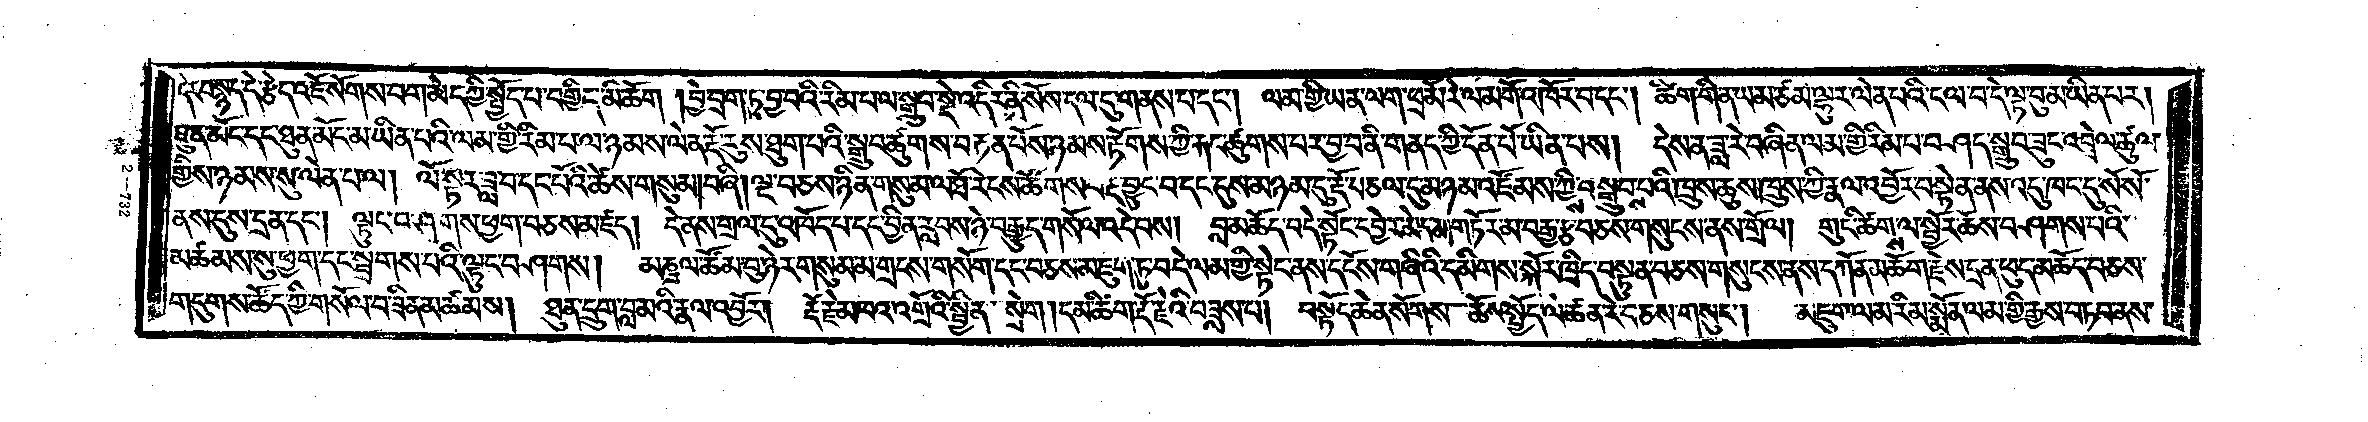དེར་བསྙད་དེ་རྩེད་འཇོ་སོགས་བག་མེད་ཀྱི་སྤྱོད་པ་བགྱིད་མི་ཆོག །བྱེ་བྲག་ཏུ་བྱ་བའི་རིམ་པ་ལ་སྒྲུབ་སྡེ་འདིར་ནི་སོས་དལ་དུ་གནས་པ་དང་། ལམ་གྱི་ཡན་ལག་ཕྲ་མོ་རེ་ལ་མགོ་འཁོར་བ་དང་། ཚིག་གི་ན་ཡམ་ཙམ་ལྷུར་ལེན་པའི་ངལ་བ་དེ་ལྟ་བུ་མ་ཡིན་པར།
ཐུན་མོང་དང་ཐུན་མོང་མ་ཡིན་པའི་ལམ་གྱི་རིམ་པ་ལ་ཉམས་ལེན་རྡོ་རུས་ཐུག་པའི་སྒྲུབ་ཚུགས་བརྟན་པོས་ཉམས་རྟོགས་ཀྱི་རྐང་ཚུགས་པར་བྱ་བ་ནི་གནད་ཀྱི་དོན་པོ་ཡིན་པས། དེས་ན་ཟླ་རེ་བཞིན་ལམ་གྱི་རིམ་པ་བཤད་སྒྲུབ་ཟུང་འབྲེལ་ཚུལ་
གྱིས་ཉམས་སུ་ལེན་པ་ལ། ལོ་སྟར་ཟླ་བ་དང་པོའི་ཚེས་གསུམ། བཞི། ལྔ་བཅས་ཉིན་གསུམ་ལ་ཐོ་རེངས་ཚོགས་བརྡ་བྱུང་བ་དང་དུས་མཉམ་དུ་རྡོ་བཅལ་དུ་མཉམ་འཛོམས་ཀྱིས་བསྒྲུབས་པའི་ཁྲུས་ཆུས་ཁྲུས་ཀྱི་རྣལ་འབྱོར་བསྟེན་ནས་འདུ་ཁང་དུ་སོ་སོ་
ནས་དུས་དྲན་དང་། ལྟུང་བཤགས་ཕྱག་བཅས་མཛད། དེ་ནས་གྲལ་དུ་འཁོད་པ་དང་བྱིན་རླབས་ཉེ་བརྒྱུད་གསོལ་འདེབས། བླ་མཆོད་བདེ་སྟོང་དབྱེར་མེད་མ་གཏོར་མ་བརྒྱ་རྩ་བཅས་གསུངས་ནས་གྲོལ། གུང་ཚིགས་ལ་སྦྱོར་ཆོས་བཤགས་པའི་
མཚམས་སུ་ཕྱག་དང་སྦྲགས་པའི་ལྟུང་བཤགས། མཎྜལ་ཚོམ་བུ་ཉེར་གསུམ་མ་གྲངས་གསོག་དང་བཅས་མཇུག་ཏུ་བདེ་ལམ་གྱི་སྟེང་ནས་དངོས་གཞིའི་དམིགས་སྐོར་ཁྲིད་བསྟུན་བཅས་གསུངས་ནས་དཀོན་མཆོག་རྗེས་དྲན་ཕུད་མཆོད་བཅས་
གདུགས་ཚོད་ཀྱི་གསོལ་བ་ཟིན་མཚམས། ཐུན་དྲུག་བླ་མའི་རྣལ་འབྱོར། རྡོ་རྗེ་མཁའ་འགྲོའི་སྦྱིན་སྲེག །དམ་ཚིག་རྡོ་རྗེའི་བཟླས་པ། བསྟོད་ཆེན་སོགས་ཆོས་སྤྱོད་ལེ་ཚན་རེ་བཅས་གསུང་། མཇུག་ལམ་རིམ་སྨོན་ལམ་གྱི་རྒྱས་བཏབ་ནས་